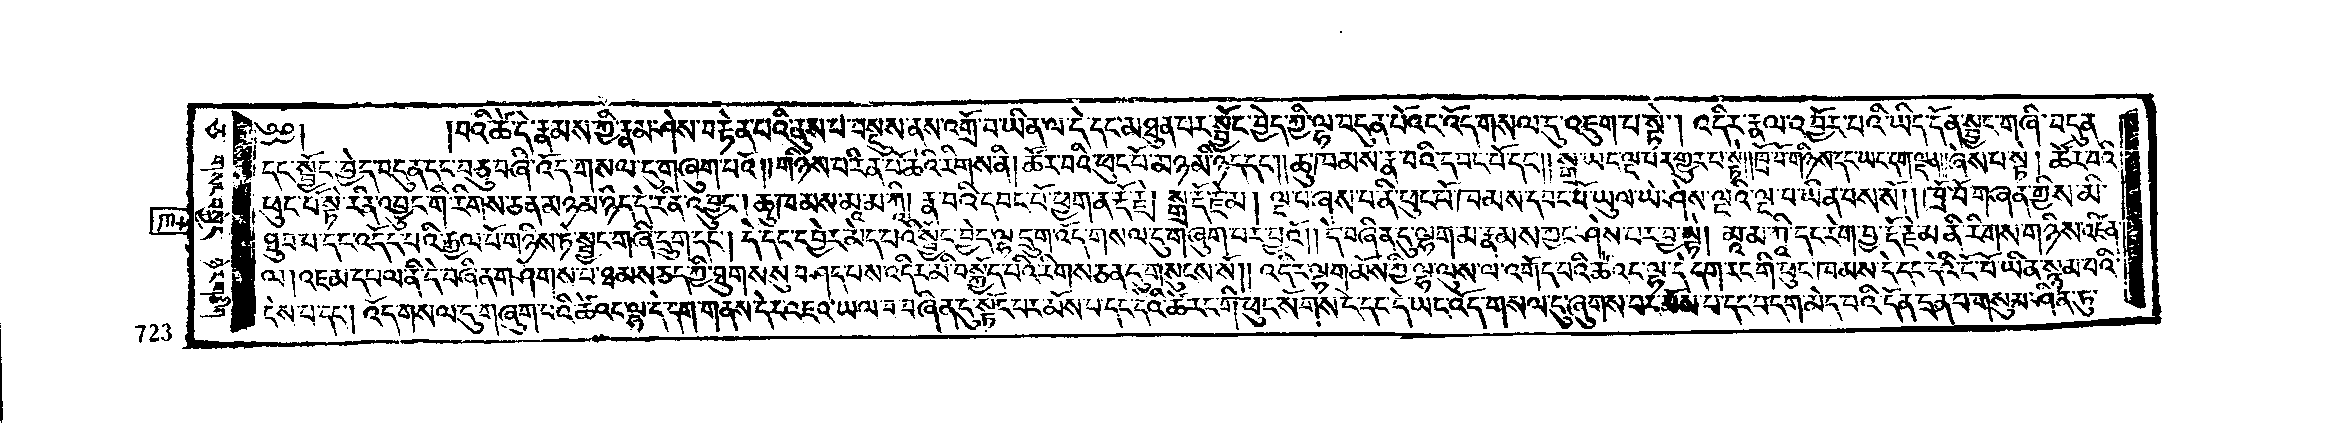༄༅། །བའི་ཚེ་དེ་རྣམས་ཀྱི་རྣམ་ཤེས་བརྟེན་པའི་ནུས་པ་བསྡུས་ནས་འགྲོ་བ་ཡིན་ལ་དེ་དང་མཐུན་པར་སྦྱོང་བྱེད་ཀྱི་ལྷ་བདུན་པོའང་འོད་གསལ་དུ་འཇུག་པ་སྟེ། འདིར་རྣལ་འབྱོར་པའི་ཡིད་དོན་སྦྱང་གཞི་བདུན་
དང་སྦྱོང་བྱེད་བདུན་དང་བཅུ་བཞི་འོད་གསལ་དུ་གཞུག་པའོ། །གཉིས་པ་རིན་པོ་ཆེའི་རིགས་ནི། ཚོར་བའི་ཕུང་པོ་མཉམ་ཉིད་དང་། །ཆུ་ཁམས་རྣ་བའི་དབང་པོ་དང་། །སྒྲ་ཡང་ལྔ་པར་གྱུར་པ་སྟེ། །ཁྲོ་བོ་གཉིས་དང་ཡང་དག་ལྡན། །ཞེས་པ་སྟེ། ཚོར་བའི་
ཕུང་པོ་སྟེ་རིན་འབྱུང་གི་རིགས་ཅན་མཉམ་ཉིད་དེ་རིན་འབྱུང་། ཆུ་ཁམས་མཱ་མ་ཀཱི། རྣ་བའི་དབང་པོ་ཕྱག་ན་རྡོ་རྗེ། སྒྲ་རྡོ་རྗེ་མ། ལྔ་པ་ཞེས་པ་ནི་ཕུང་པོ་ཁམས་དབང་པོ་ཡུལ་ཡེ་ཤེས་ལྔའི་ལྔ་པ་ཡིན་པས་སོ། །ཁྲོ་བོ་གཞན་གྱིས་མི་
ཐུབ་པ་དང་འདོད་པའི་རྒྱལ་པོ་གཉིས་ཏེ་སྦྱང་གཞི་དྲུག་དང་། དེ་དང་དབྱེར་མེད་པའི་སྦྱོང་བྱེད་ལྷ་དྲུག་འོད་གསལ་དུ་གཞུག་པར་བྱའོ། །དེ་བཞིན་དུ་ལྷག་མ་རྣམས་ཀྱང་ཤེས་པར་བྱ་སྟེ། མཱ་མ་ཀཱི་དང་རེག་བྱ་རྡོ་རྗེ་མ་ནི་རིགས་གཉིས་འཛིན་
ལ། འཇམ་དཔལ་ནི་དེ་བཞིན་གཤེགས་པ་ཐམས་ཅད་ཀྱི་ཐུགས་སུ་བཤད་པས་འདིར་མི་བསྐྱོད་པའི་རིགས་ཅན་དུ་གསུངས་སོ། །འདིར་ལྷག་མོས་ཀྱི་ལྷ་ལུས་ལ་འགོད་པའི་ཚའང་ལྷ་དེ་དག་རང་གི་ཕུང་ཁམས་དེ་དང་དེའི་ངོ་བོ་ཡིན་སྙམ་པའི་
ངེས་པ་དང་། འོད་གསལ་དུ་གཞུག་པའི་ཚེའང་ལྷ་དེ་དག་གནས་དེར་འཇའ་ཡལ་བ་བཞིན་དུ་སྟོང་པར་མོས་པ་དང་དེའི་ཚེ་རང་གི་ཕུང་སོགས་ད་དང་དེ་ཡང་འོད་གསལ་དུ་ཞུགས་པར་མོས་པ་དང་བདག་མེད་པའི་དོན་དྲན་པ་གསུམ་ཤིན་ཏུ་